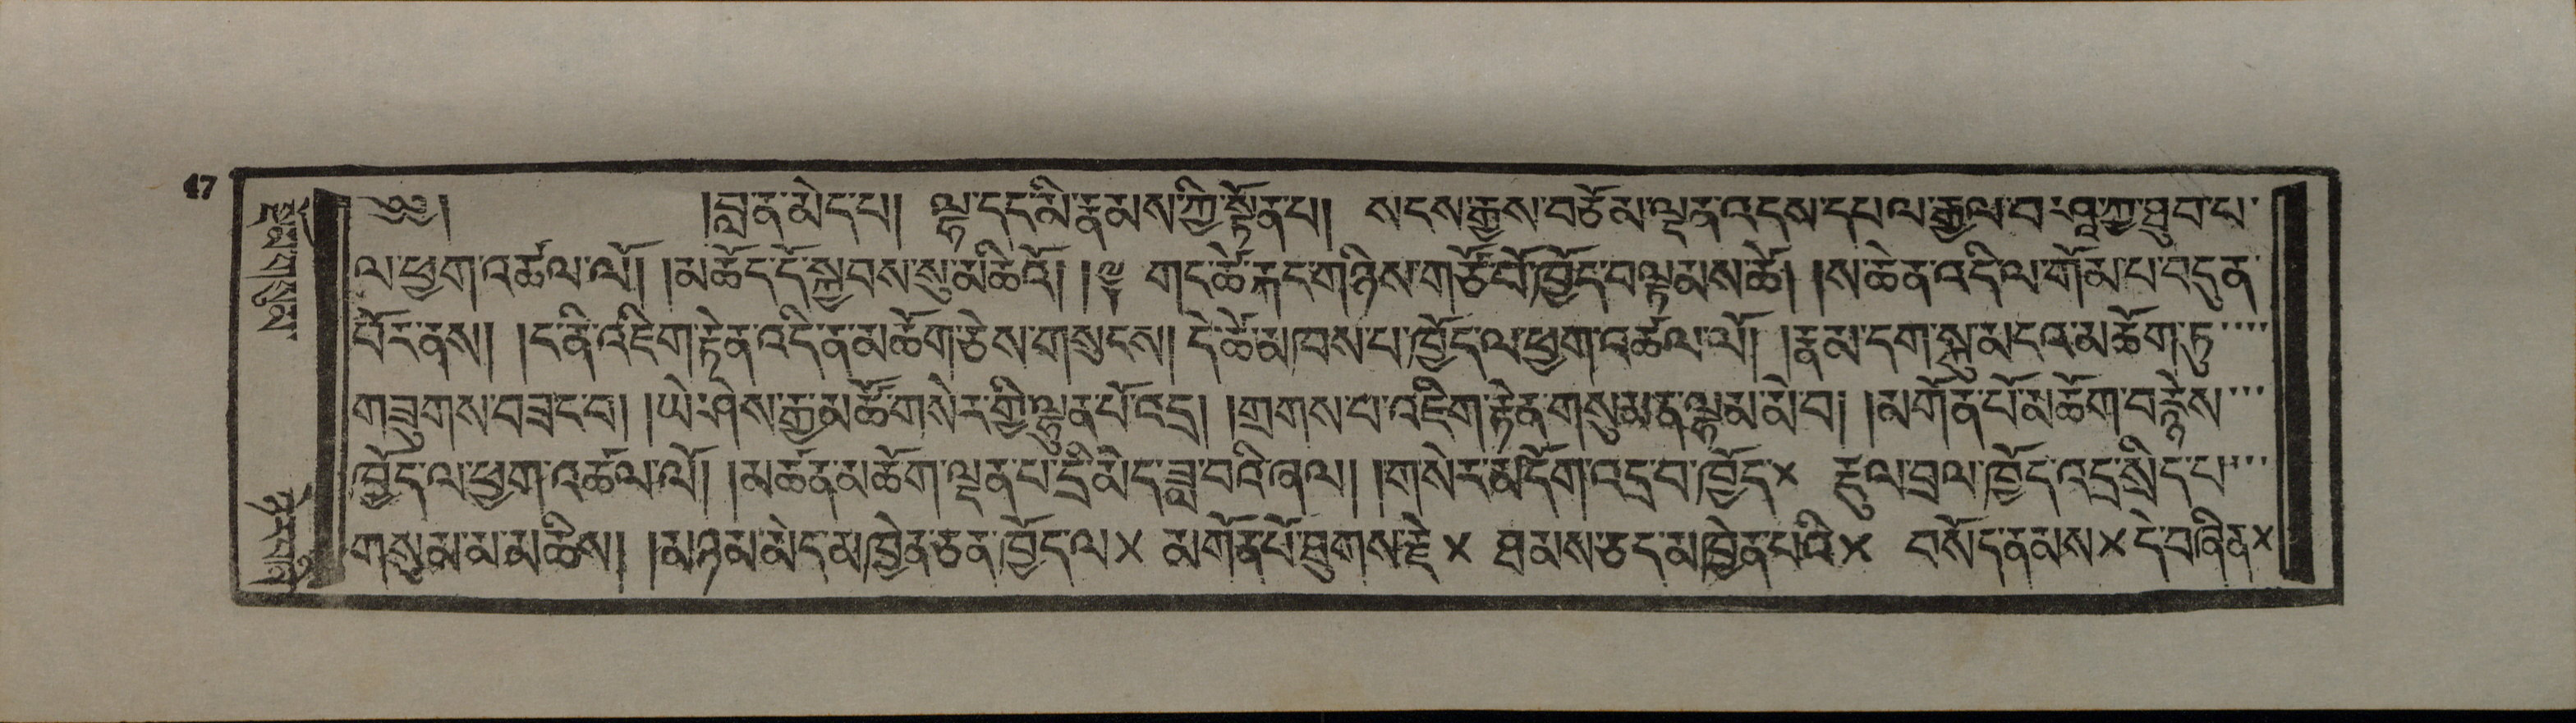༄༅། །བླ་ན་མེད་པ། ལྷ་དང་མི་རྣམས་ཀྱི་སྟོན་པ། སངས་རྒྱས་བཅོམ་ལྡན་འདས་དཔལ་རྒྱལ་བ་ཤཱ་ཀྱ་ཐུབ་པ་
ལ་ཕྱག་འཚལ་ལོ། །མཆོད་དོ་སྐྱབས་སུ་མཆིའོ། ། ༈ གང་ཚེ་རྐང་གཉིས་གཙོ་བོ་ཁྱོད་བལྟམས་ཚེ། །ས་ཆེན་འདི་ལ་གོམ་པ་བདུན་
པོར་ནས། །ང་ནི་འཇིག་རྟེན་འདི་ན་མཆོག་ཅེས་གསུངས། དེ་ཚེ་མཁས་པ་ཁྱོད་ལ་ཕྱག་འཚལ་ལོ། །རྣམ་དག་སྐུ་མངའ་མཆོག་ཏུ་
གཟུགས་བཟང་བ། །ཡེ་ཤེས་རྒྱ་མཚོ་གསེར་གྱི་ལྷུན་པོ་འདྲ། །གྲགས་པ་འཇིག་རྟེན་གསུམ་ན་ལྷམ་མེ་བ། །མགོན་པོ་མཆོག་བརྙེས་
ཁྱོད་ལ་ཕྱག་འཚལ་ལོ། མཚན་མཆོག་ལྡན་པ་དྲི་མེད་ཟླ་བའི་ཞལ། །གསེར་མདོག་འདྲ་བ་ཁྱོད་ལ་ཕྱག་འཚལ་ལོ། །རྡུལ་བྲལ་ཁྱོད་འདྲ་སྲིད་པ་
གསུམ་མ་མཆིས། །མཉམ་མེད་མཁྱེན་ཅན་ཁྱོད་ལ་ཕྱག་འཚལ་ལོ། །མགོན་པོ་ཐུགས་རྗེ་ཆེ་ལྡན་པ། །ཐམས་ཅད་མཁྱེན་པ་སྟོན་པ་པོ། །བསོད་ནམས་ཡོན་ཏན་རྒྱ་མཚོའི་ཞིང་། །དེ་བཞིན་གཤེགས་ལ་ཕྱག་འཚལ་ལོ།